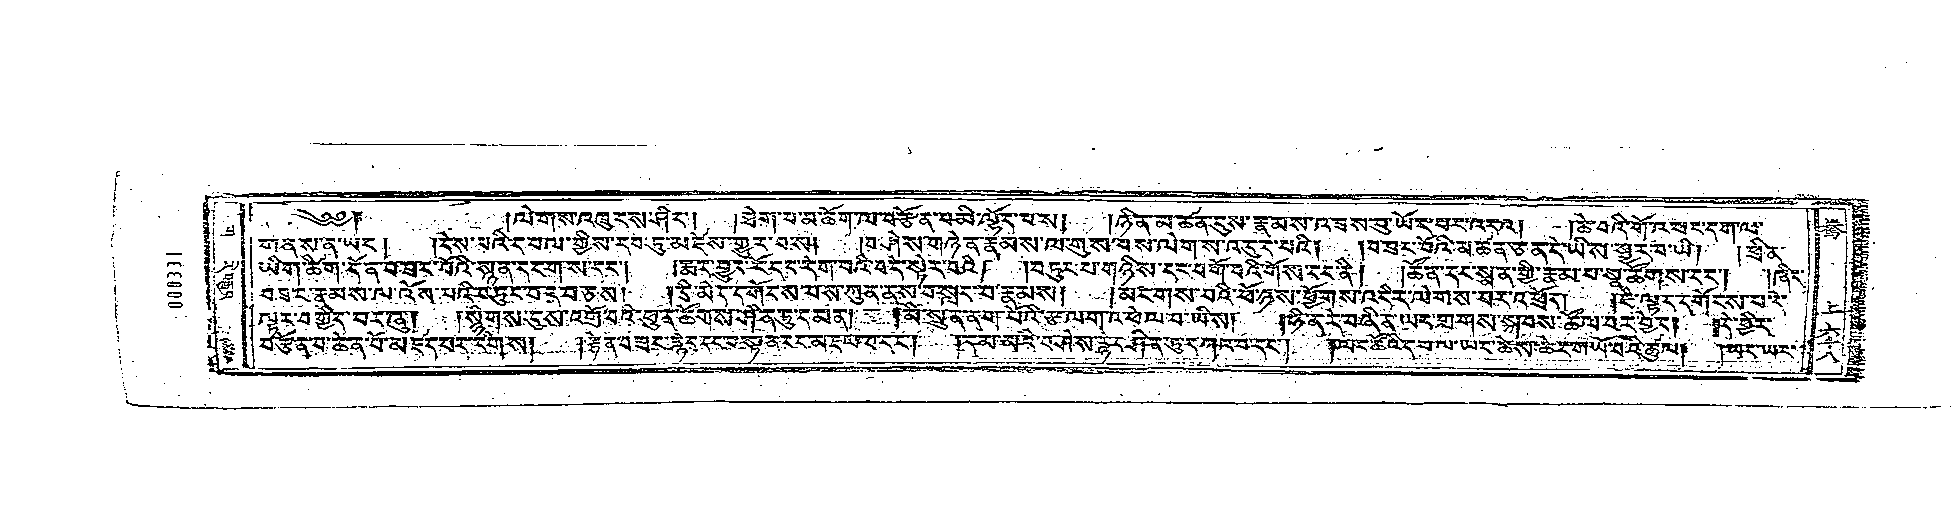༄༅། །ལེགས་འཁྲུངས་ཤིང་། །ཐེག་པ་མཆོག་ལ་བརྩོན་པ་མི་ལྷོད་པས། །ཉིན་མཚན་དུས་རྣམས་འབྲས་བུ་ཡོད་པར་འདའ། །ཆེ་བའི་གོ་འཕང་དག་ལ་
གནས་ན་ཡང་། །དེས་པའི་དཔལ་གྱིས་རབ་ཏུ་མཛེས་གྱུར་བས། །བཤེས་གཉེན་རྣམས་ལ་གུས་བས་ལེགས་འདུད་པའི། །བཟང་བོའི་མཚན་ཅན་དེ་ཡིས་སྦྱར་བ་ཡི། །ཕྲིན་
ཡིག་ཚིག་དོན་བཟང་བོའི་སྙན་དངགས་དང་། །རྨད་བྱུང་རོ་དང་རེག་པའི་བདེ་སྟེར་བའི། །བཏུང་པ་གཉིས་དང་བགོ་བའི་གོས་དང་ནི། །ཚོན་དང་སྨན་གྱི་རྣམ་པ་སྣ་ཚོགས་དང་། །ཞིང་
བཟང་རྣམས་ལ་འོས་པའི་བཏུང་བར་བཅས། །དྲི་མེད་དགོངས་བས་ཀུན་ནས་བསླང་བ་རྣམས། །མངགས་བའི་ཕོ་ཉས་ཕྱོགས་འདིར་ལེགས་པར་འཕྲོད། །ཇི་ལྟར་དགོངས་པ་དེ་
ལྟར་བགྱིང་པར་ཞུ། །སྙིགས་དུས་འགྲོ་བའི་ཕུན་ཚོགས་ཤིན་ཏུ་དམན། །མི་སྲུན་ནག་པོའི་རྩ་ལག་འཕེལ་བ་ཡིས། །ཉིན་རེ་བཞིན་ཡར་གླགས་སྐབས་ཚོལ་བར་བྱེད། །དེ་ཕྱིར་
བརྩོན་བ་ཆེན་པོ་མཛད་པར་རིགས། །རྟེན་བཟང་རྙེད་དང་བསྟན་དང་མཇལ་བ་དང་། །དམ་མའི་བཤེས་རྙེད་ཤིན་ཏུ་དཀའ་བ་དང་། །ལང་ཚོའི་དབལ་ཡང་ཆེས་ཆེར་གཡོ་བའི་ཚུལ། །ཡང་ཡང་